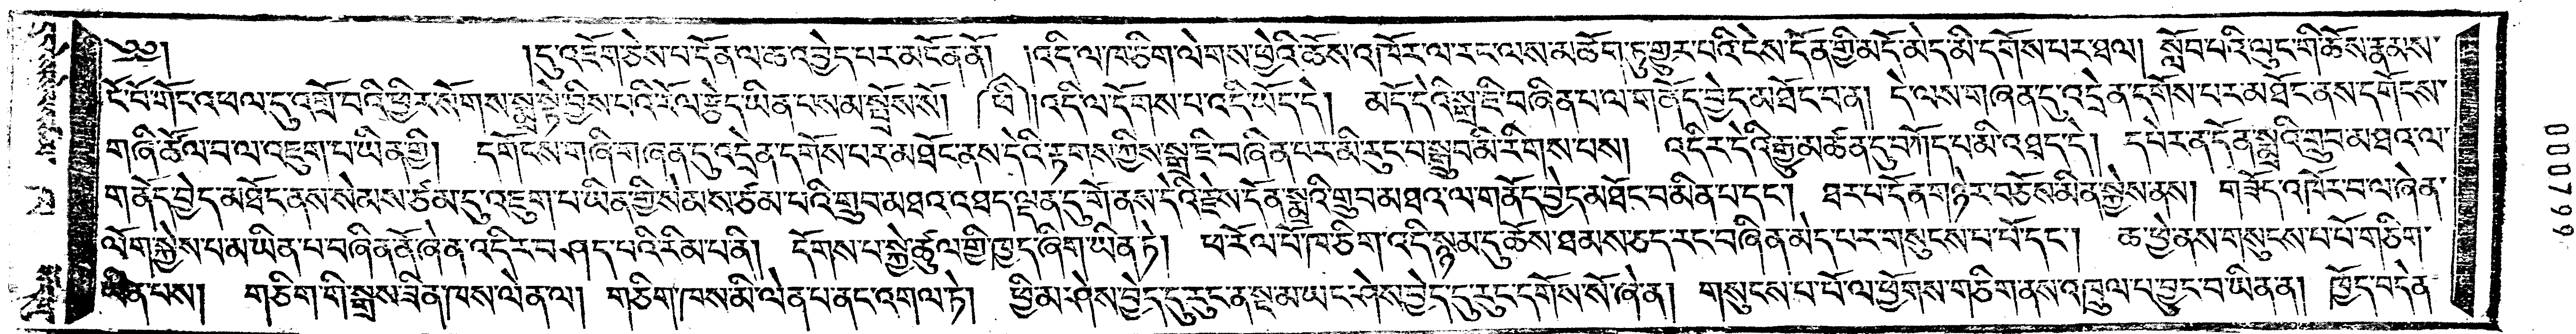༄༅། །དུ་འཇོག་ཅེས་པ་དོན་ལ་ཆ་འབྱེད་པར་མངོན་ནོ། །འདི་ལ་ཁ་ཅིག་ལེགས་ཕྱེའི་ཆོས་འཁོར་ལ་རང་ལས་མཆོག་ཏུ་གྱུར་པའི་ངེས་དོན་གྱི་མདོ་མེད་མི་དགོས་པར་ཐལ། སློབ་པའི་ལུང་གི་ཆོས་རྣམས་
ངོ་བོ་གོང་འཕེལ་དུ་འགྲོ་བའི་ཕྱིར་སོགས་སྨྲ་སྟེ་བྱིས་པའི་རོལ་རྩེད་ཡིན་པས་མ་སྤྲོས་སོ། ༼ཕི༽ །འདི་ལ་དོགས་པ་འདི་ཡོད་དེ། མདོ་དེའི་སྒྲ་ཇི་བཞིན་པ་ལ་གནོད་བྱེད་མཐོང་བ་ན། དེ་ལས་གཞན་དུ་འདྲེན་དགོས་པར་མཐོང་ནས་དགོངས་
གཞི་ཚོལ་བ་ལ་འཇུག་པ་ཡིན་གྱི། དགོངས་གཞི་གཞན་དུ་འདྲེན་དགོས་པར་མཐོང་ནས་དེའི་རྟགས་ཀྱིས་སྒྲ་ཇི་བཞིན་པར་མི་རུང་བ་སྒྲུབ་མི་རིགས་པས། འདིར་དེའི་རྒྱུ་མཚན་དུ་བཀོད་པ་མི་འཐད་དེ། དཔེར་ན་དོན་སྨྲའི་གྲུབ་མཐའ་ལ་
གནོད་བྱེད་མཐོང་ནས་སེམས་ཙམ་དུ་འཇུག་པ་ཡིན་གྱི་སེམས་ཙམ་པའི་གྲུབ་མཐའ་འཐད་ལྡན་དུ་གོ་ནས་དེའི་རྗེས་དོན་སྨྲའི་གྲུབ་མཐའ་ལ་གནོད་བྱེད་མཐོང་བ་མིན་པ་དང་། ཐར་པ་དོན་གཉེར་བཅོས་མིན་སྐྱེས་ནས། གཟོད་འཁོར་བ་ལ་ཞེན་
ལོག་སྐྱེས་པ་མ་ཡིན་པ་བཞིན་ནོ་ཞེ་ན་འདིར་བཤད་པའི་རིམ་པ་ནི། དོགས་པ་སྐྱེ་ཚུལ་གྱི་ཁྱད་ཅིག་ཡིན་ཏེ། ཕ་རོལ་པོ་ཁ་ཅིག་འདི་སྙམ་དུ་ཆོས་ཐམས་ཅད་རང་བཞིན་མེད་པར་གསུངས་པ་པོ་དང་། ཆ་ཕྱེ་ནས་གསུངས་པ་པོ་གཅིག་
ཡིན་པས། གཅིག་གི་སྒྲས་ཟིན་ཁས་ལེན་ལ། གཅིག་ཁས་མི་ལེན་པ་ནང་འགལ་ཏེ། ཕྱི་མ་ཤེས་བྱེད་དུ་རུང་ན་སྔ་མ་ཡང་ཤེས་བྱེད་དུ་རུང་དགོས་སོ་ཞེ་ན། གསུངས་པ་པོ་ལ་ཕྱོགས་གཅིག་ནས་འཁྲུལ་པ་བྱུང་བ་ཡིན་ན། ཁྱོད་བདེན་